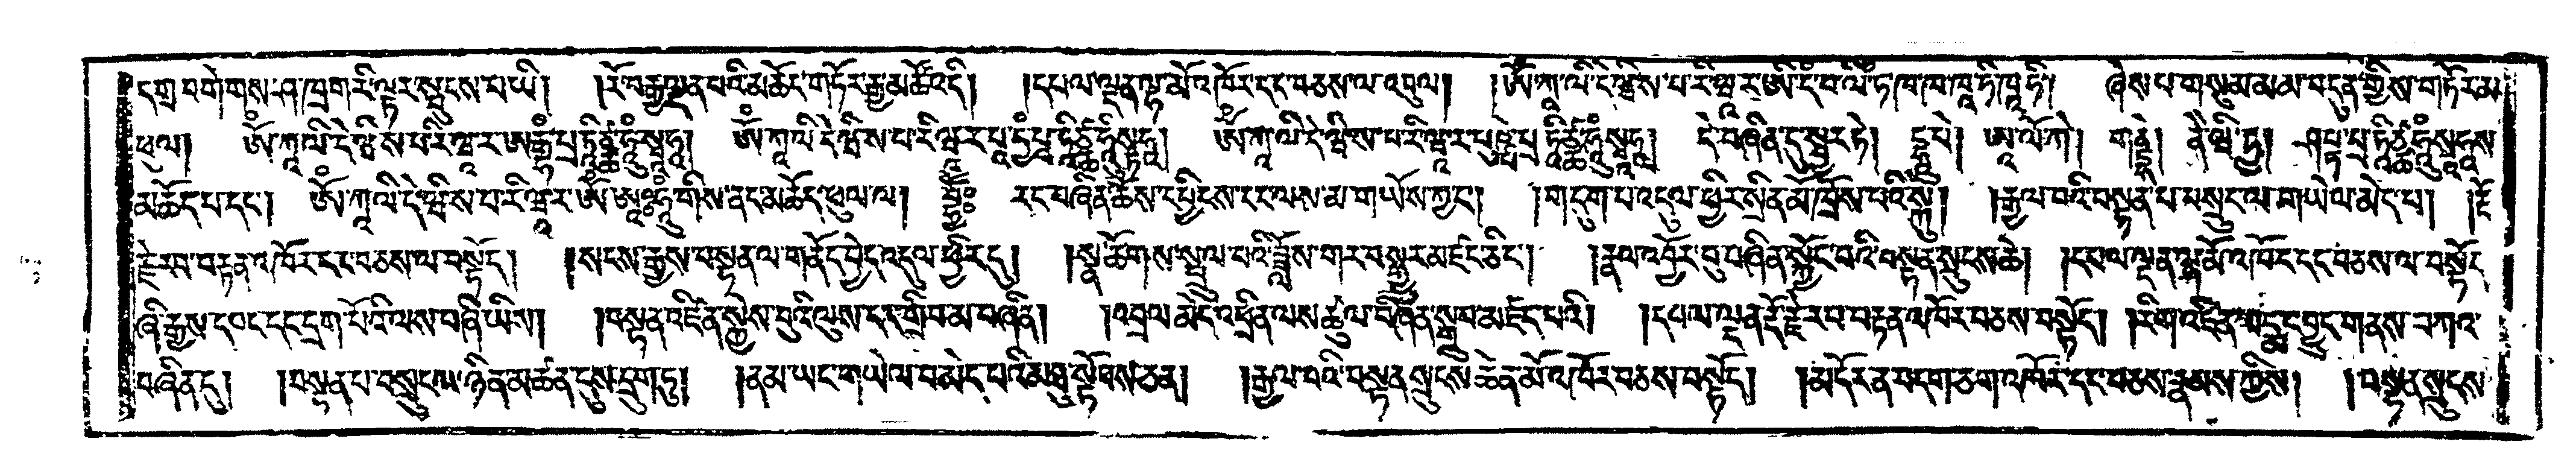དགྲ་བགེགས་ཤ་ཁྲག་རི་ལྟར་སྤུངས་པ་ཡི། །རོ་བརྒྱ་ལྡན་པའི་མཆོད་གཏོར་རྒྱ་མཚོ་འདི། །དཔལ་ལྡན་ལྷ་མོ་འཁོར་དང་བཅས་ལ་འབུལ། །ཨོཾ་ཀཱ་ལི་དེ་ཝིས་པ་རི་ཝཱ་ར་ཨི་དཾ་བ་ལིཾ་ཏ་ཁ་ཁ་ཁཱ་ཧི་ཁཱ་ཧི། ཞེས་པ་གསུམ་མམ་བདུན་གྱིས་གཏོར་མ་
ཕུལ། ཨོཾ་ཀཱ་ལི་དེ་ཝི་ས་པ་རི་ཝཱ་ར་ཨརྒྷཾ་པྲ་ཏཱིཙྪ་ཧཱུཾ་སྭཱཧཱ། ཨོཾ་ཀཱ་ལི་དེ་ཝི་ས་པ་རི་ཝཱ་ར་པཱ་དྱཾ་པཱ་ཏཱིཙྪ་ཧཱུཾ་སྭཱཧཱ། ཨོཾ་ཀཱ་ལི་དེ་ཝི་ས་པ་རི་ཝཱ་ར་པུཥྤེ་པྲ་ཏཱིཙྪ་ཧཱུཾ་སྭཱཧཱ། དེ་བཞིན་དུ་སྦྱར་ཏེ། དྷཱུ་པེ། ཨཱ་ལོ་ཀེ། གནྡྷེ། ནཻ་ཝི་དྱ། ཤཔྟ་པྲ་ཏཱིཙྪ་ཧཱུཾ་སྭཱཧཱས་
མཆོད་པ་དང་། ཨོཾ་ཀཱ་ལི་དེ་ཝི་ས་པ་རི་ཝཱ་ར་ཨོཾ་ཨཱཿ ཧཱུཾ་གིས་ནང་མཆོད་ཕུལ་ལ། བྷྱཽཿ རང་བཞིན་ཆོས་དབྱིངས་ངག་ལས་མ་གཡོས་ཀྱང་། །གདུག་པ་འདུལ་ཕྱིར་སྲིན་མོ་ཁྲོས་པའི་སྐུ། །རྒྱལ་བའི་བསྟན་པ་བསྲུང་ལ་གཡེལ་མེད་པ། །རྡོ་
རྗེ་རབ་བརྟན་འཁོར་དང་བཅས་ལ་བསྟོད། །སངས་རྒྱས་བསྟན་ལ་གནོད་བྱེད་འདུལ་ཕྱིར་དུ། །སྣ་ཚོགས་སྤྲུལ་པའི་ཟློས་གར་བསྒྱུར་མཛད་ཅིང་། །རྣལ་འབྱོར་བུ་བཞིན་སྐྱོང་བའི་བསྟན་སྲུངས་ཆེ། །དཔལ་ལྡན་ལྷ་མོ་འཁོར་དང་བཅས་ལ་བསྟོད་
ཞི་རྒྱས་དབང་དང་དྲག་པོའི་ལས་བཞི་ཡིས། །བསྟན་འཛིན་སྐྱེས་བུའི་ལུས་དང་གྲིབ་མ་བཞིན། །འབྲལ་མེད་འཕྲིན་ལས་ཚུལ་བཞིན་སྒྲུབ་མཛད་པའི། །དཔལ་ལྡན་རྡོ་རྗེ་རབ་བརྟན་འཁོར་བཅས་བསྟོད། །རིག་འཛིན་པདམ་འབྱུང་གནས་བཀའ་
བཞིན་དུ། །བསྟན་པ་བསྲུངས་ཉིན་མཚན་དུས་དྲུག་ཏུ། །ནམ་ཡང་གཡེལ་བ་མེད་པའི་མཐུ་སྟོབས་ཅན། །རྒྱལ་བའི་བསྟན་སྲུངས་ཆེན་མོ་འཁོར་བཅས་བསྟོད། །མདོར་ན་བདག་ཅག་འཁོར་དང་བཅས་རྣམས་ཀྱིས། །བསྟན་སྲུངས་